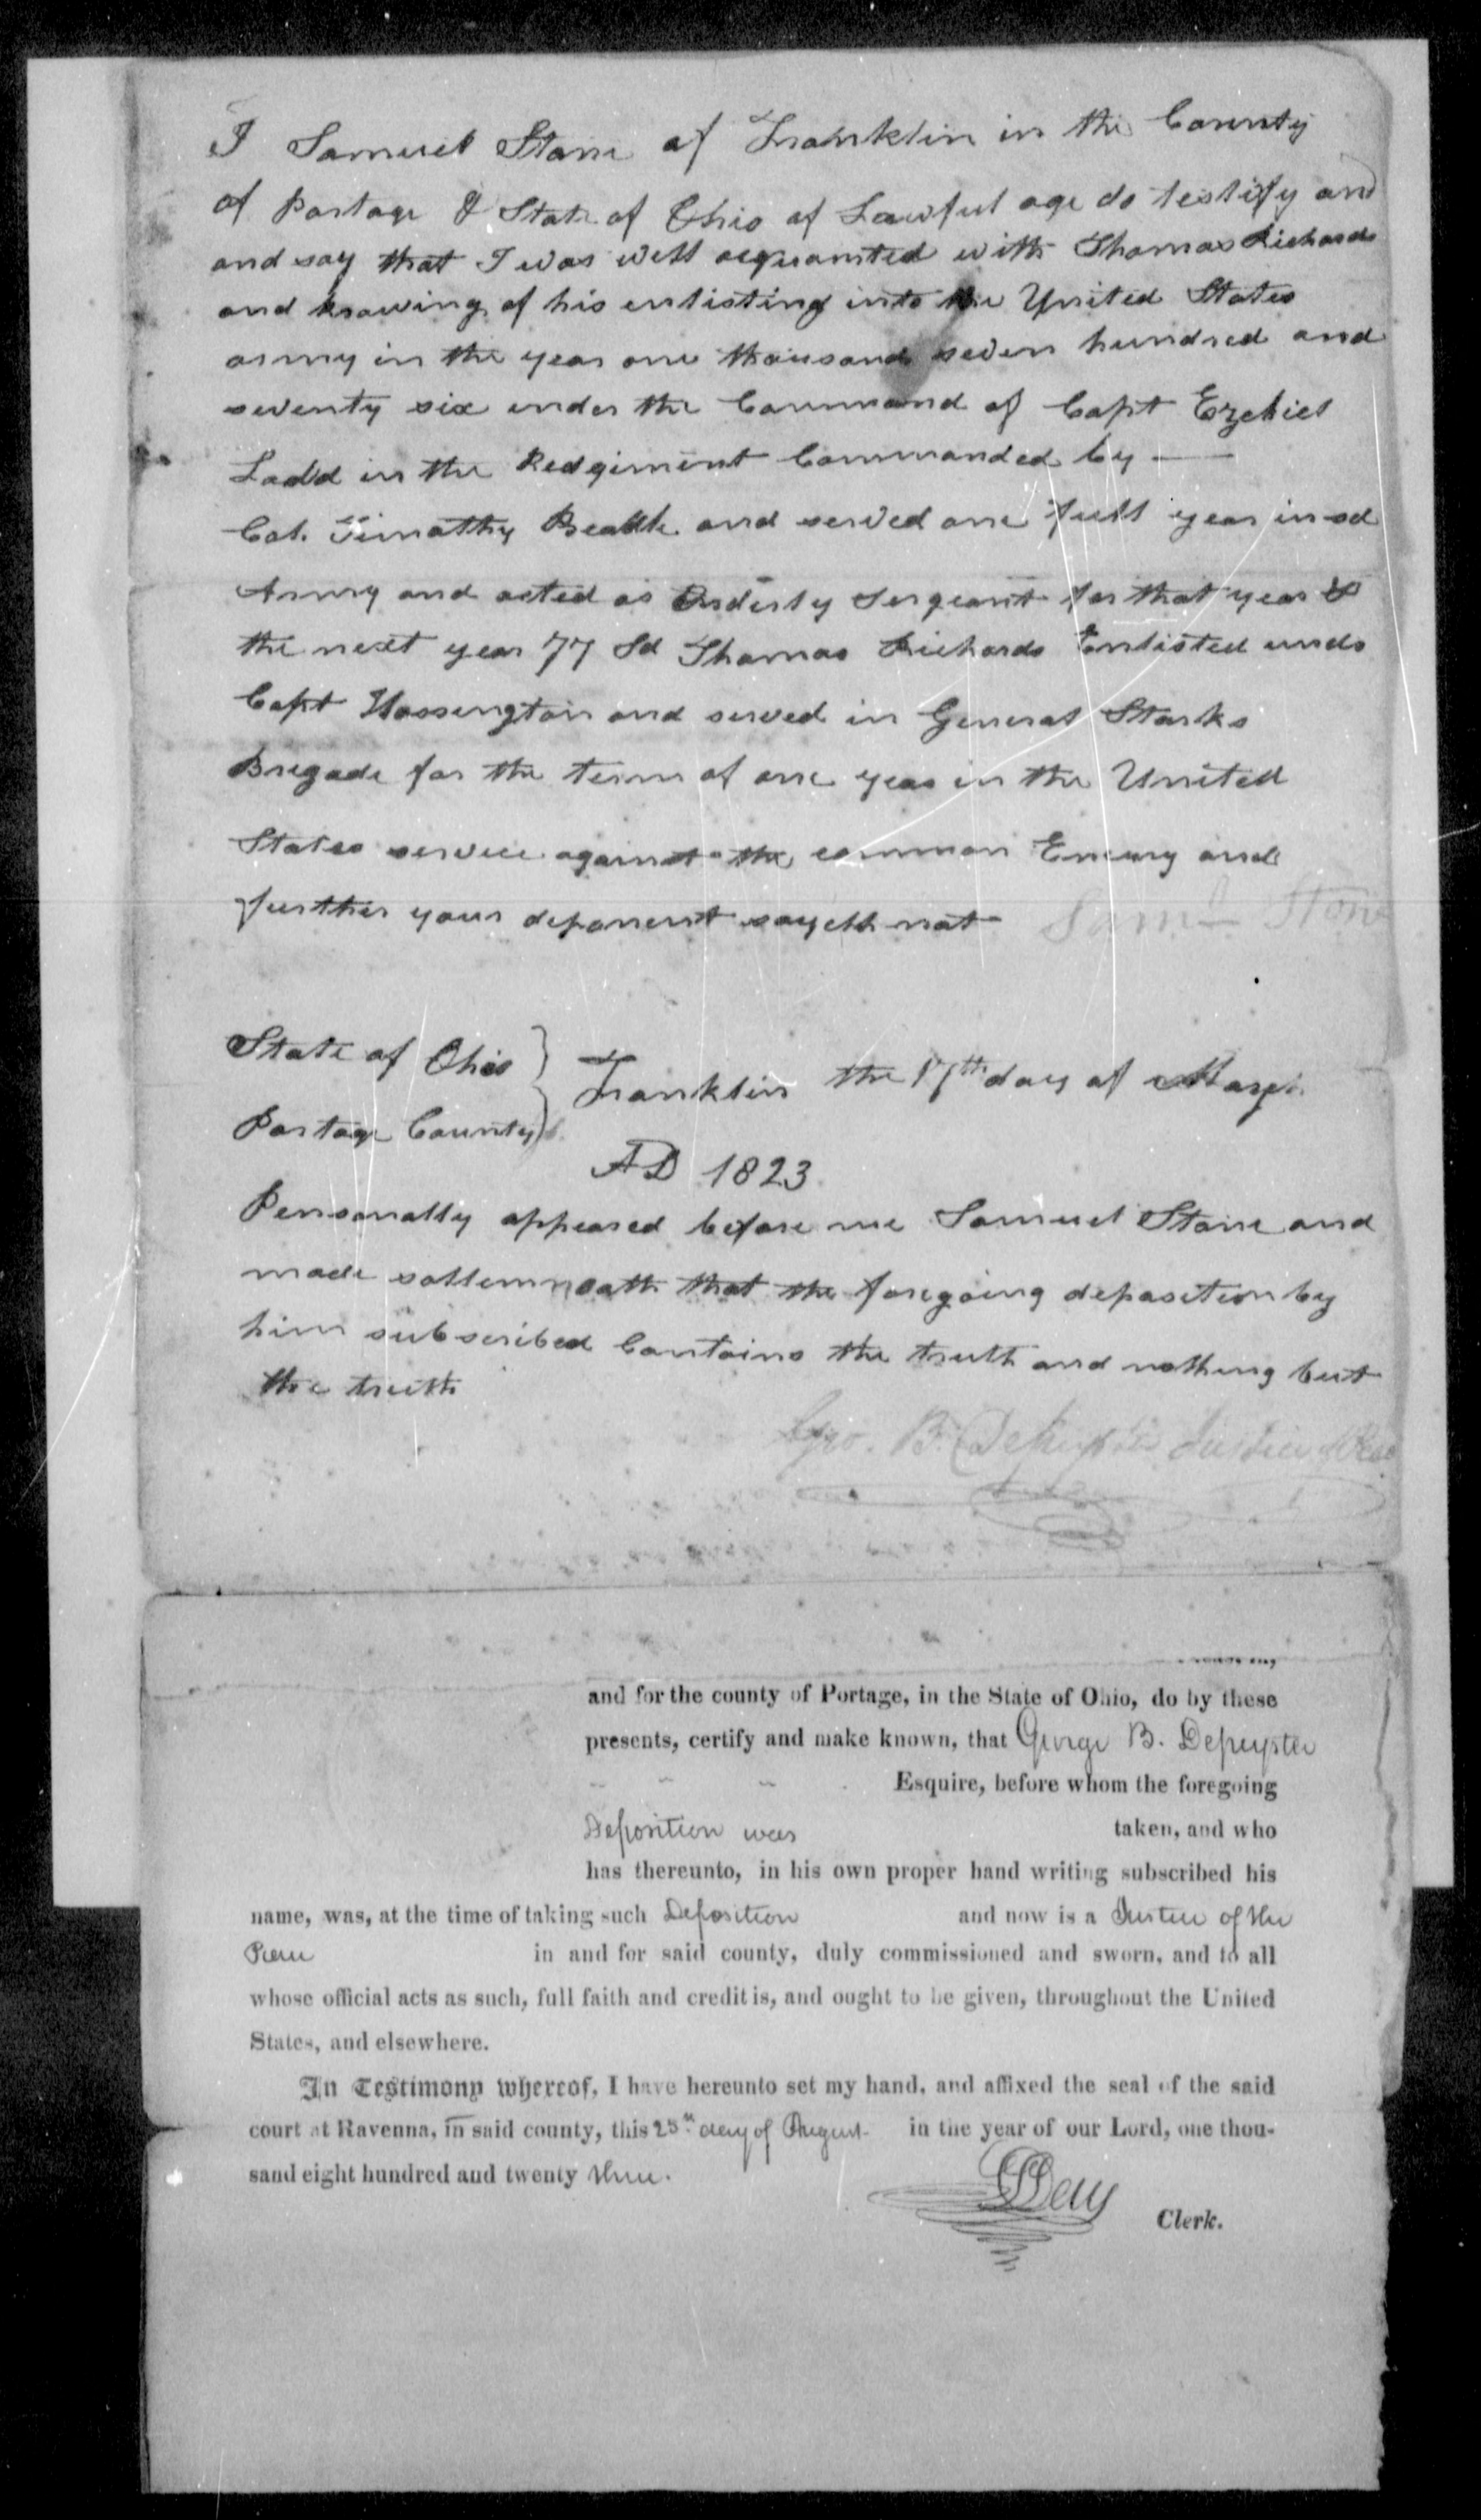I Samuel Stone of Franklin in the County
of Portage & State of Ohio of Lawful age do testify and and [sic] say that I was well acquainted with Thomas Richards and knowing of his enlisting into the United States army in the year one thousand seven hundred and
seventy six under the command of Capt [CAPTAIN] Ezekiel Ladd in the Regiment commanded by Capt. [CAPTAIN] Timothy Beadle and served one full year in sd [SAID] 
Army and acted as Orderly Sergeant for that year & the next year [17[77 Sd [SAID] Thomas Richards Enlisted under Capt Hossington [HOISINGTON] and served in General Starks [sic] Brigade for the term of one year in the United States service against the common Enemy and further your deponent sayeth not
Saml [SAMUEL] Stone 

State of Ohio Portage County} ss. Franklin the 17th day of March AD 1823
Personally appeared before me Samuel Stone and made solemn oath that the foregoing deposition by him subscribed contains the truth and nothing but the truth
Geo. [GEORGE] B. Depeyster Justice of Peace

and for the county of Portage, in the State of Ohio, do by these presents, certify and make known, that George B. Depeyster Esquire, before whom the foregoing Deposition was taken, and who has thereunto, in his own proper hand writing subscribed his name, was, at the time of taking such Deposition and now is a Justice of the Peace in and for said county, duly commissioned and sworn, and to all
whose official acts as such, full faith and credit is, and ought to be given, throughout the United States, and elsewhere.
In Testimony whereof, I have hereunto set my hand, and affixed the seal of the said court at Ravenna, in said county, this 25th day of August in the year of our Lord, one thousand eight hundred and twenty three.
S Day
Clerk.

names: George B Depeyster; [BLANK] Hossington; Geo B Depeyster; Timothy Beadle; Samuel Stone; Thomas Richards; Ezekiel Ladd; S Day; Samuel Stone; Thomas Richards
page: 38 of 109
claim: widow's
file: W. 5709, for Thomas Richards, New Hampshire